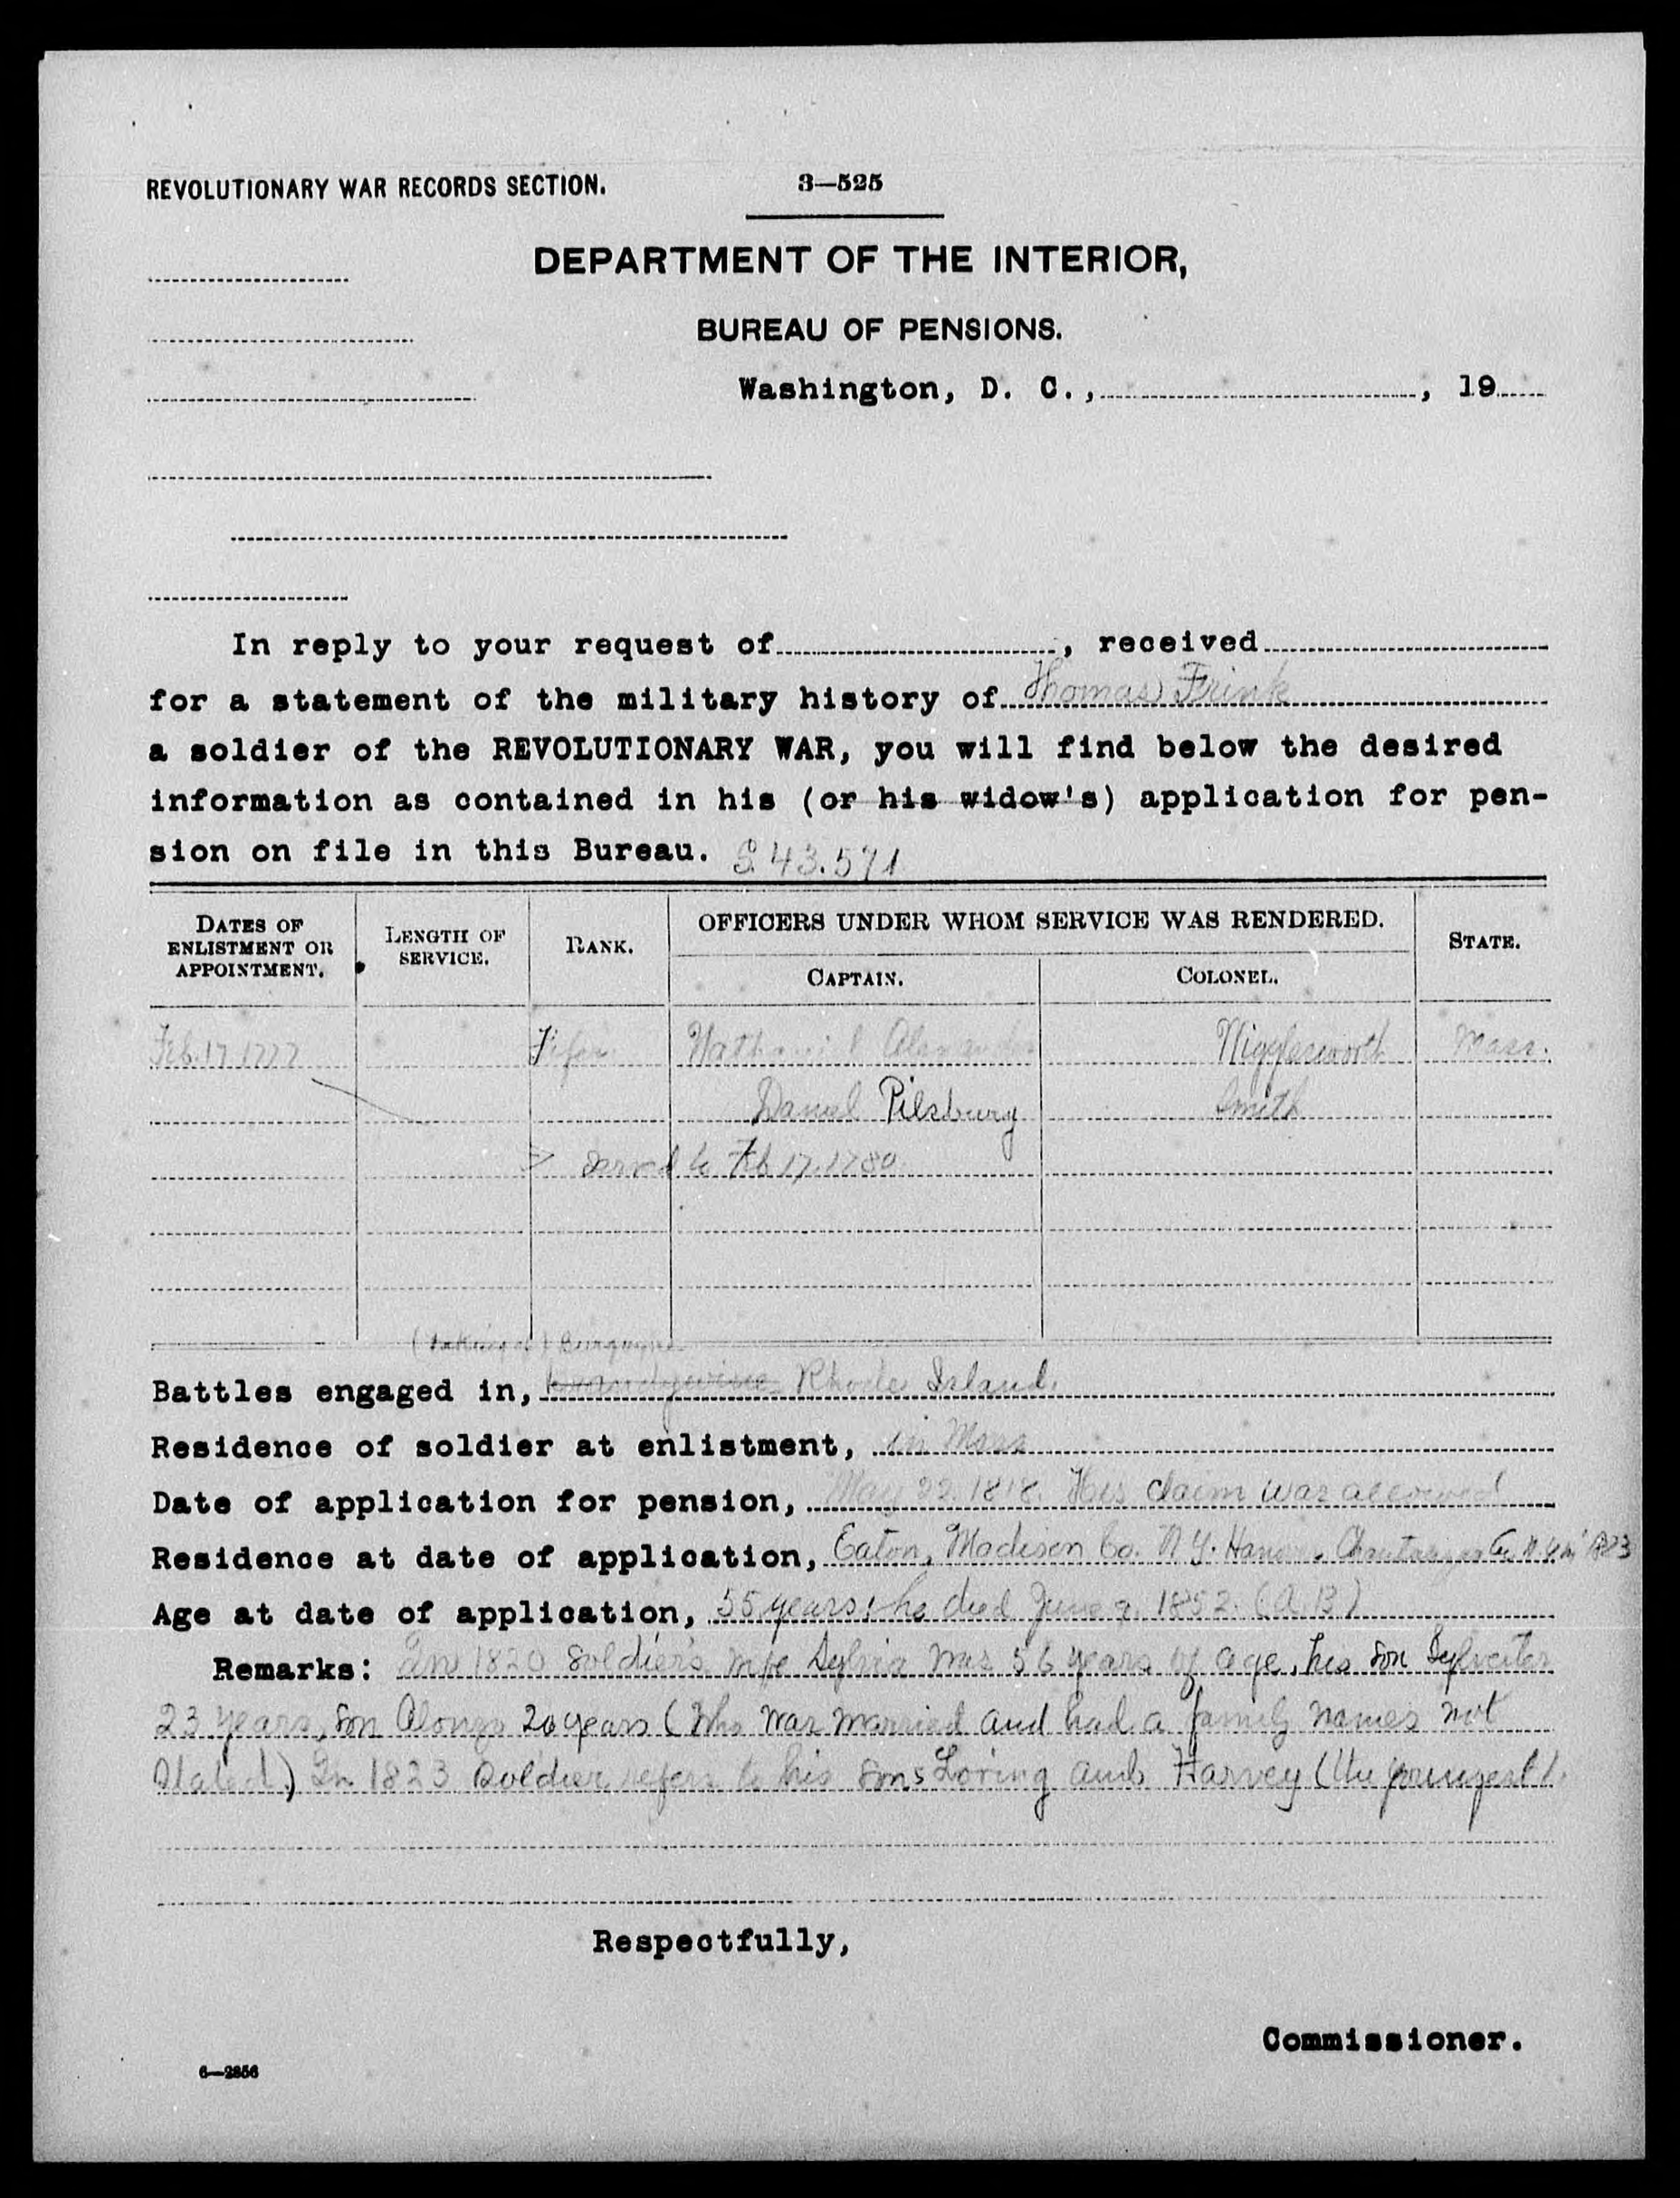Revolutionary War Records Section 
3-525
Department of the Interior, Bureau of Pensions. Washington, D.C. 19
In reply to your request of , received for a statement of the military history of Thomas Frink a soldier of the Revolutionary war, you will find below the desired information as contained in his (or his widow's) [crossed out] application for pension on file in this Bureau. S.43.571
Date of Enlistment or Appointment Feb. 17, 1777 [Feb 17, 1780
Rank Fifer
Officers under Whom Service was Rendered
Captain Nathaniel Alexander
Captain Daniel Pilsbury
Colonel Wigglesworth
Colonel Smith
State Mass.
Battles engaged in, taking of Brandywine Rhode Island
Residence of Soldier at enlistment, in Mass
Date of application for pension, May 23, 1818, His claim was allowed
Residence at date of application, Eaton, Madison Co. NY [illegible] Chautaqua Co. [illegible]
Age at date of application, 55 years, he died June 9, 1852 (AB)
Remarks: In 1820 soldier's wife Silvia was 56 years of age, his son Sylvester 23 years, son Alonzo 20 years (who was married and had a family names not stated) In 1823 soldier refers to his sons Loring and Harvey (the youngest).
Respectfully,
Commissioner.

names: Sylvia, Loring, Daniel Pilsbury, Smith, Sylvester, Wigglesworth, Nathaniel Alexander, Thomas Frink, Alonzo, Harvey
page: 22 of 33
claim: survivor's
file: S 43571, Thomas Frink, Mass.